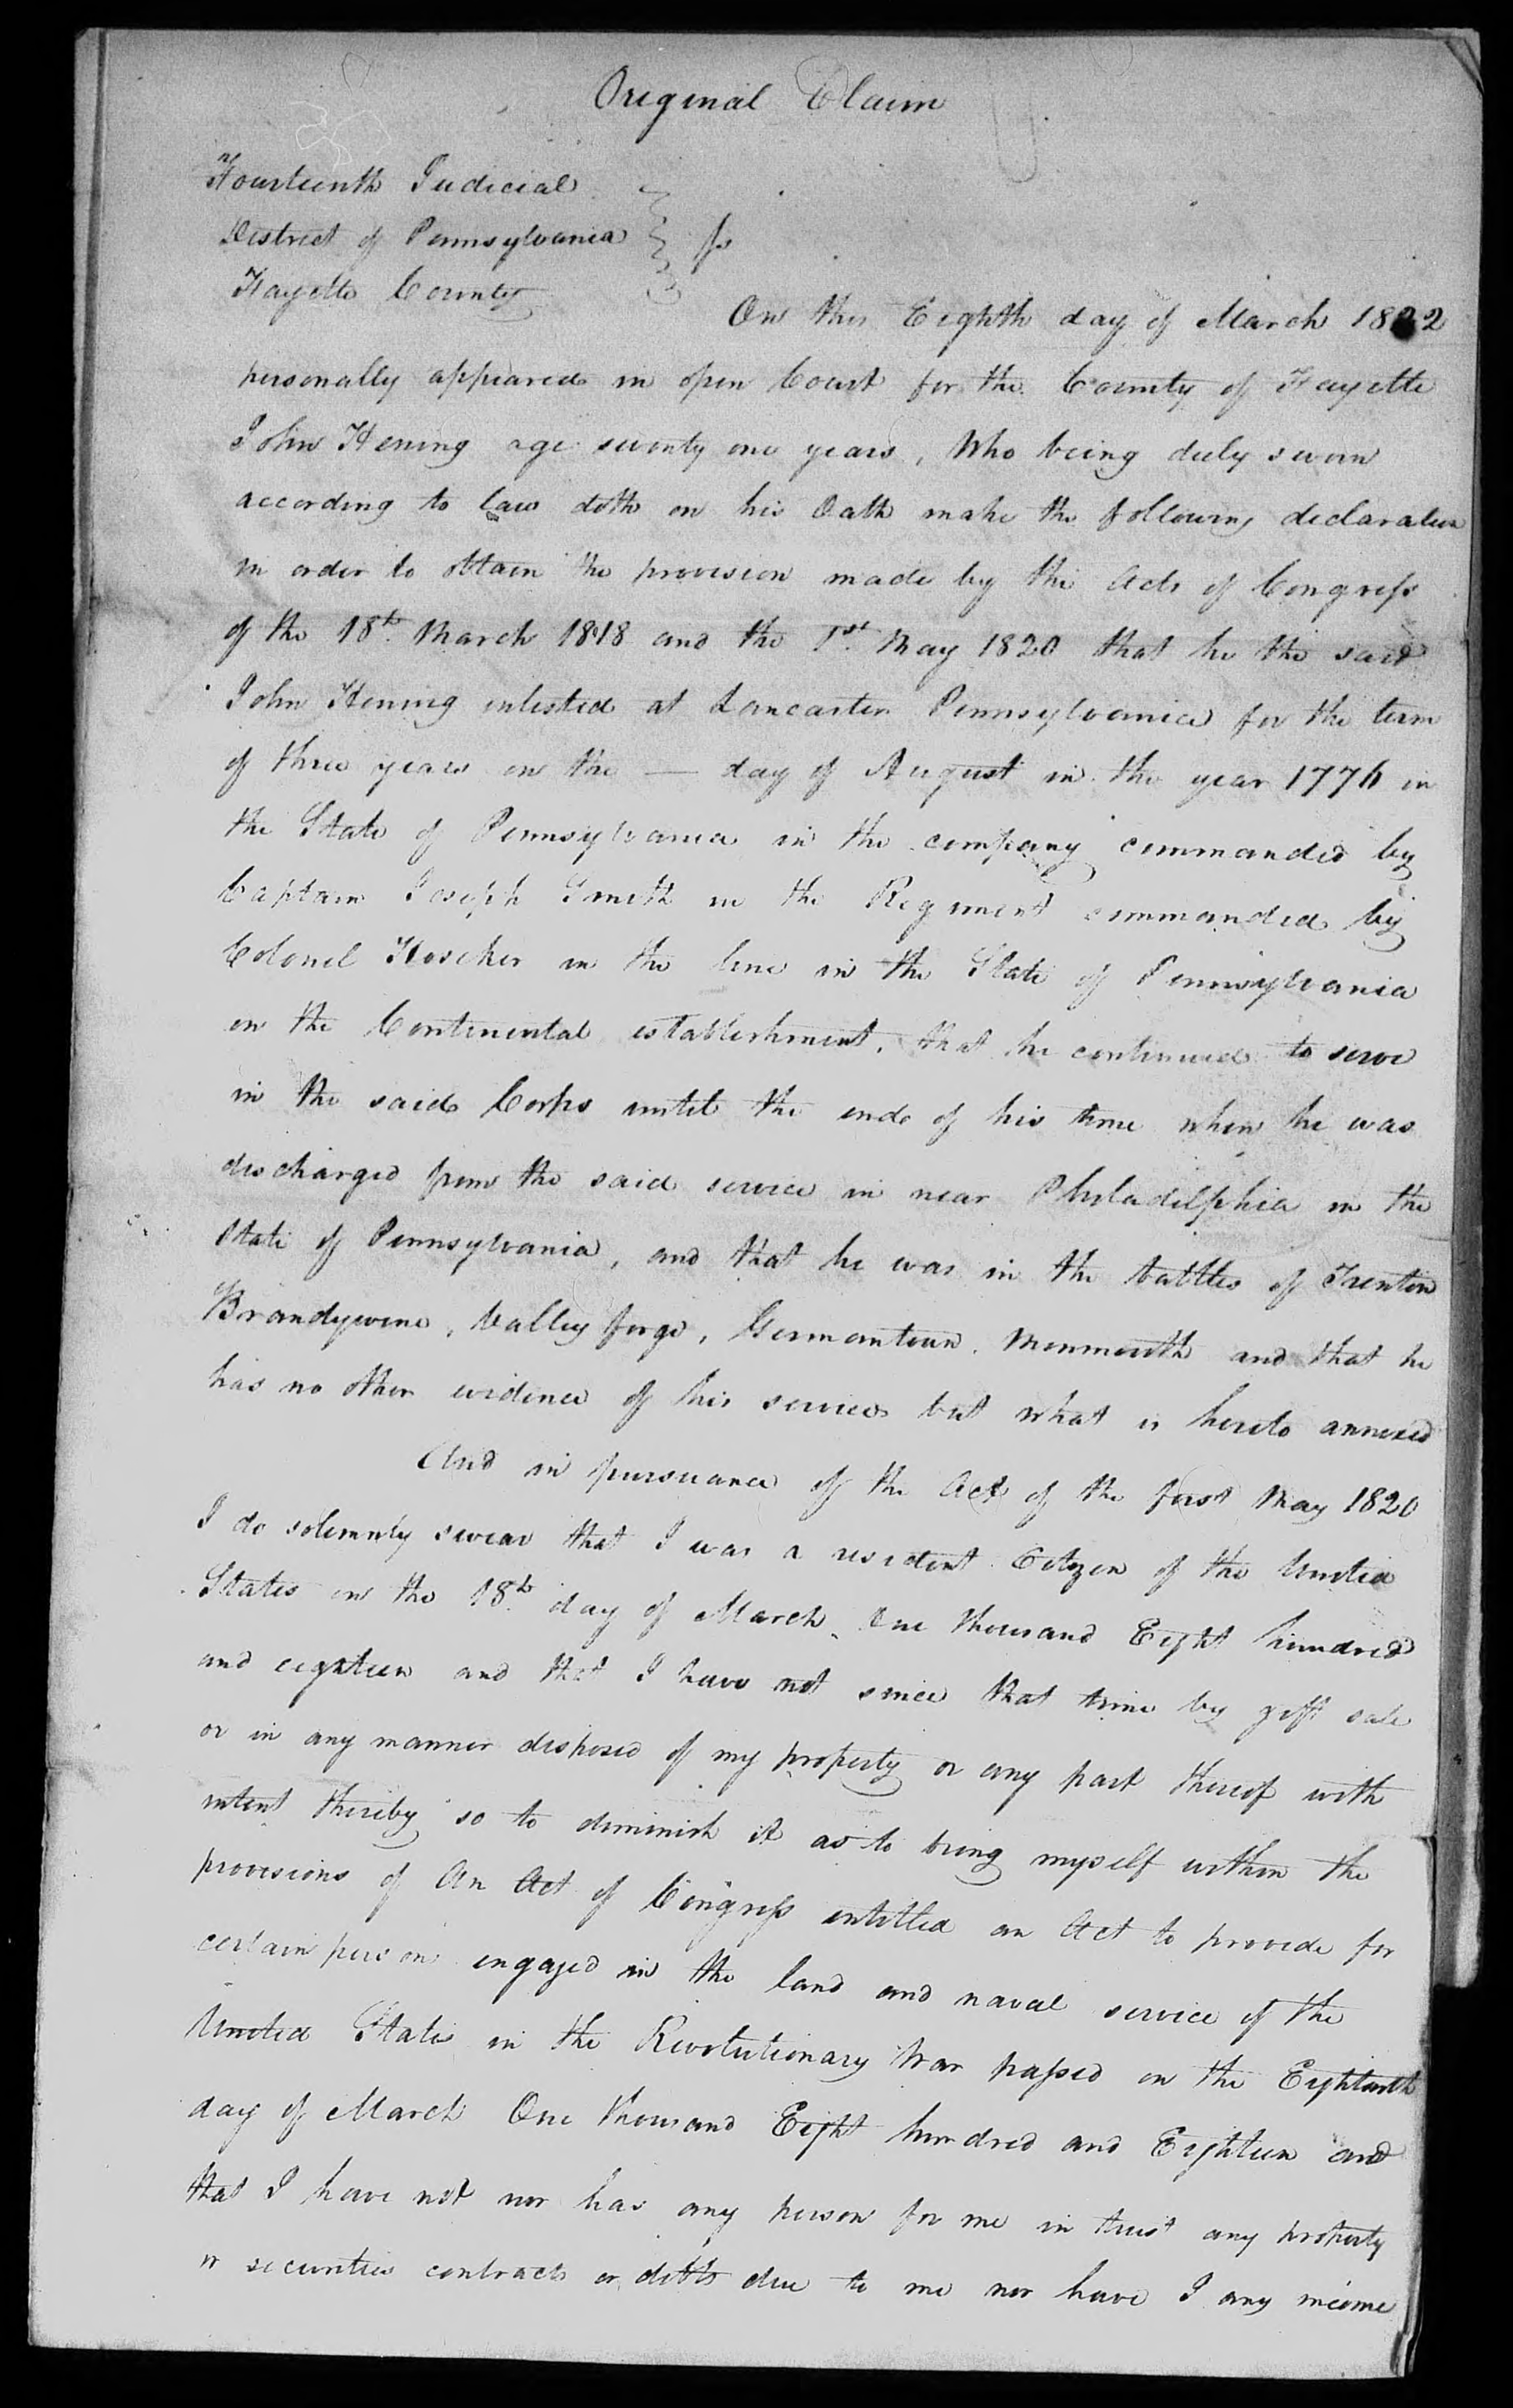Original Claim
Fourteenth Judicial
District of Pennsylvania
Fayette County
On this Eighth day of March 1822 personally appeared in open Court for the County of Fayette John Hening age seventy one years, Who being duly sworn according to law doth on his Oath make the following declarations in order to attain the provision made by the Acts of Congress of the 18th March 1818 and the 1st May 1820 that the said John Hening enlisted at Lancaster Pennsylvania for the term of three years on the - day of August in the year 1776 in the State of Pennsylvania in the company commanded by Captain Joseph Smith in the Regiment commanded by Colonel Hoscker in the line of the State of Pennsylvania on the Continental establishment, that he continued to serve in the said Corps until the ende of his time when he was discharged from the said service in near Philadelphia on the State of Pennsylvania, and that he was in the Battles of Trenton Brandywine, Valley Forge, Germantown, Monmouth and that he has no other evidence of his service but what is hereto annexed 
And in pursuance of the Act of the first May 1820 I do solemnly swear that I was a resident Citizen of the United States on the 18th day of March One thousand Eight hundred and eighteen and that I have not since that time by gift sale or in any manner disposed of my property or any part thereof with intent thereby so to diminish it as to bring myself within the provisions of An Act of Congress entitled an Act to provide for certain persons engaged in the land and naval service of the United States in the Revolutionary War passed on the Eighteenth day of March One thousand Eight hundred and eighteen and that I have not nor has any person for me in trust any property or securities contracts or debts due to me nor have I any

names: Joseph Smith, Haseker, John Hening, John Hening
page: 4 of 15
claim: survivor's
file: S. 39677, John Hening, Continental (Penn.)